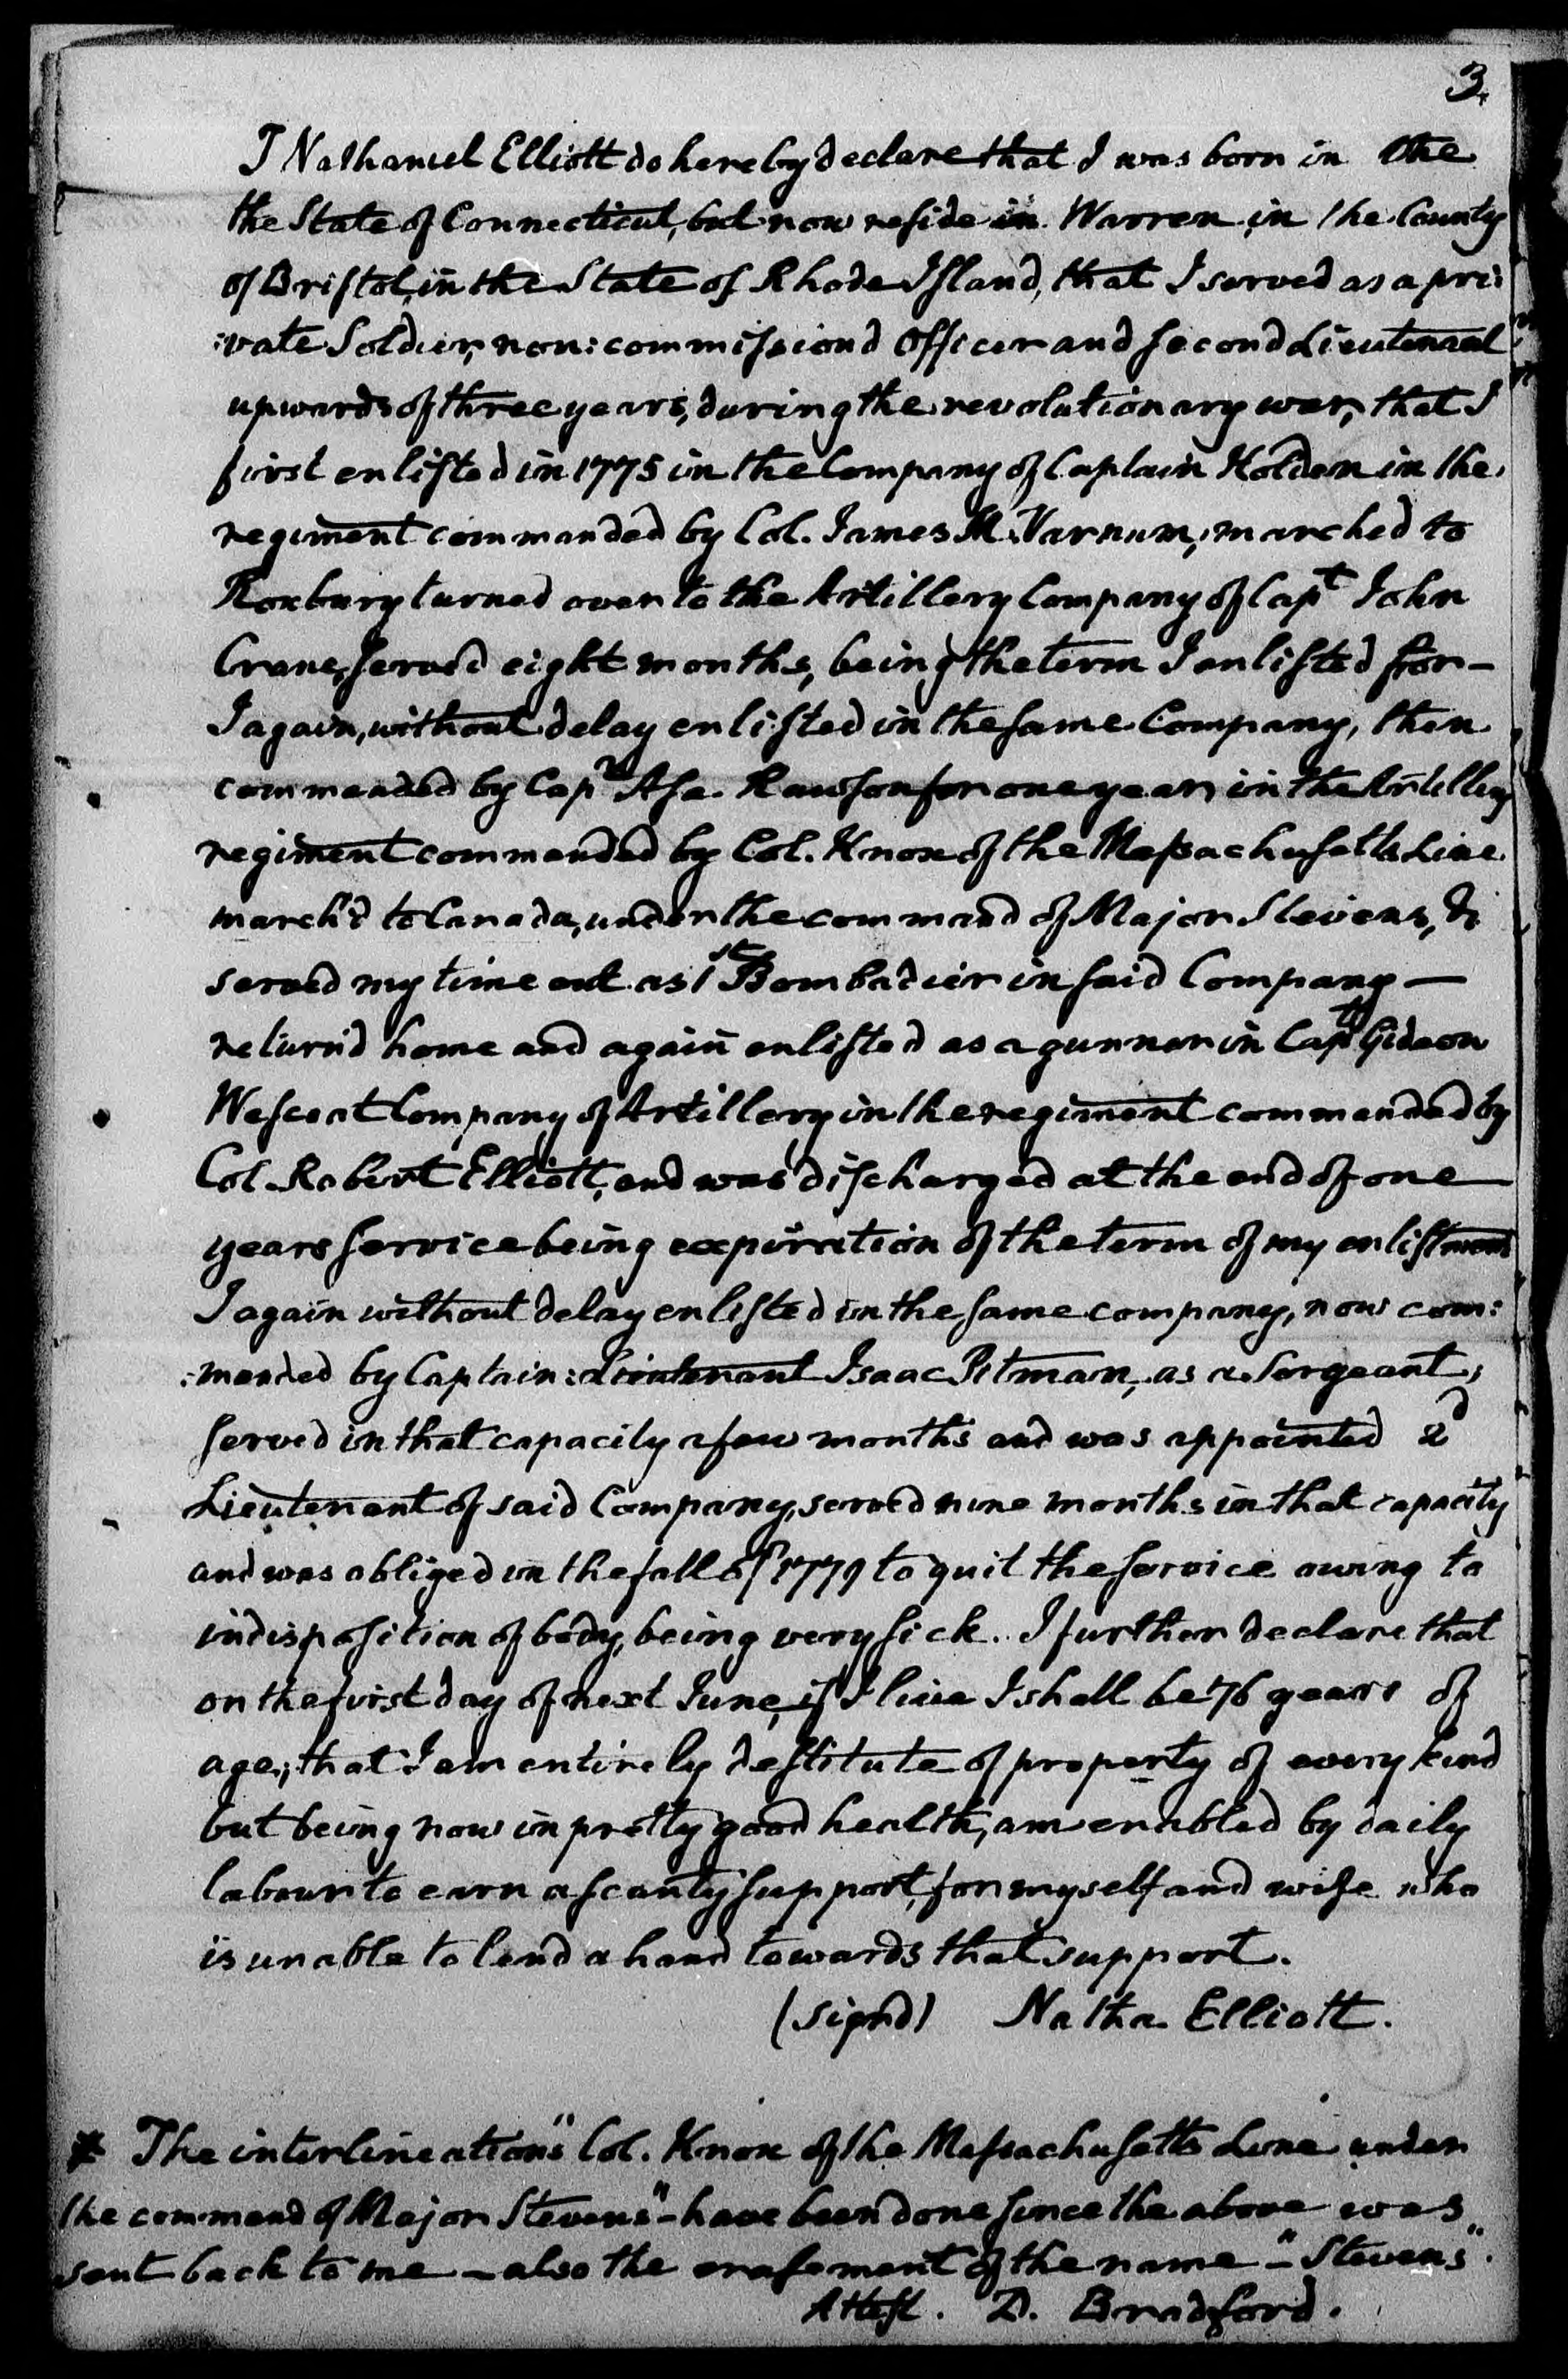3. I Nathaniel Elliott do hereby declare that I was born in the State of Connecticut, but now reside in Warren in the County of Bristol in the State of Rhode Island, that I served as a private Soldier non; commissioned officer and second Lieutenant upwards of three years, during the revolutionary war, that I first enlisted in 1775 in the Company of Captain Holden in the regiment commanded by Col. James M. Varnum, marched to Roxbury turned over to the Artillery Company of Capt. John Crane served eight months, being the therm I enlisted for. I again, without delay enlisted in ther same company, then commanded by Capt. Asa Rowson for one year in the Artillery regiment commanded by Col. Knox of the Massachussetts Line Marchd to canada, under the command of Major Stevens, Jr. served my time out as 1st Bombardier in said Company. returned home and again enlisted as a gunman in Capt. Gideon Wescots Company of Artillery in the regiment commanded by Col. Robert Elliott and was discharged at the end of one year service being expiration of the term of my enlistment I again without delay enlisted in the same company, now commanded by Captain Lieutenant Isaac Pitman, as a Sergeant, Served in that capacity a few months and was appointed 2d Lieutenant of said Company, served nine months in that capacity and was obliged in the fall of 1779 to quit the service owing to indisposition of body, being very sick. I further declare that on the first day of next June If I live I shall be 76 years of age; that I am entirely destitute of property of every kind but being now in pretty good health, am enabled by daily labour to earn a scanty support for myself and wife who is unable to lend a hand towards that support. (signed) Natha Elliott. 

The interlineations "Col. KNox of the Massachusetts Line under the command of Major Stevens" have been done since the above was sent back to me. also the [illegible] of the name - "Stevens" Attest. D. Bradford.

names: Knox, Stevens, Stevens, D Bradford, Nathaniel Elliott, Knox, Stevens, Stevens, Asa Rawson, James M Varnum, Isaac Pitman, Robert Elliott, John Crane, Natha Elliott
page: 27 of 29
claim: survivor's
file: S. 38679, Nathaniel Elliot, Continental R.I.